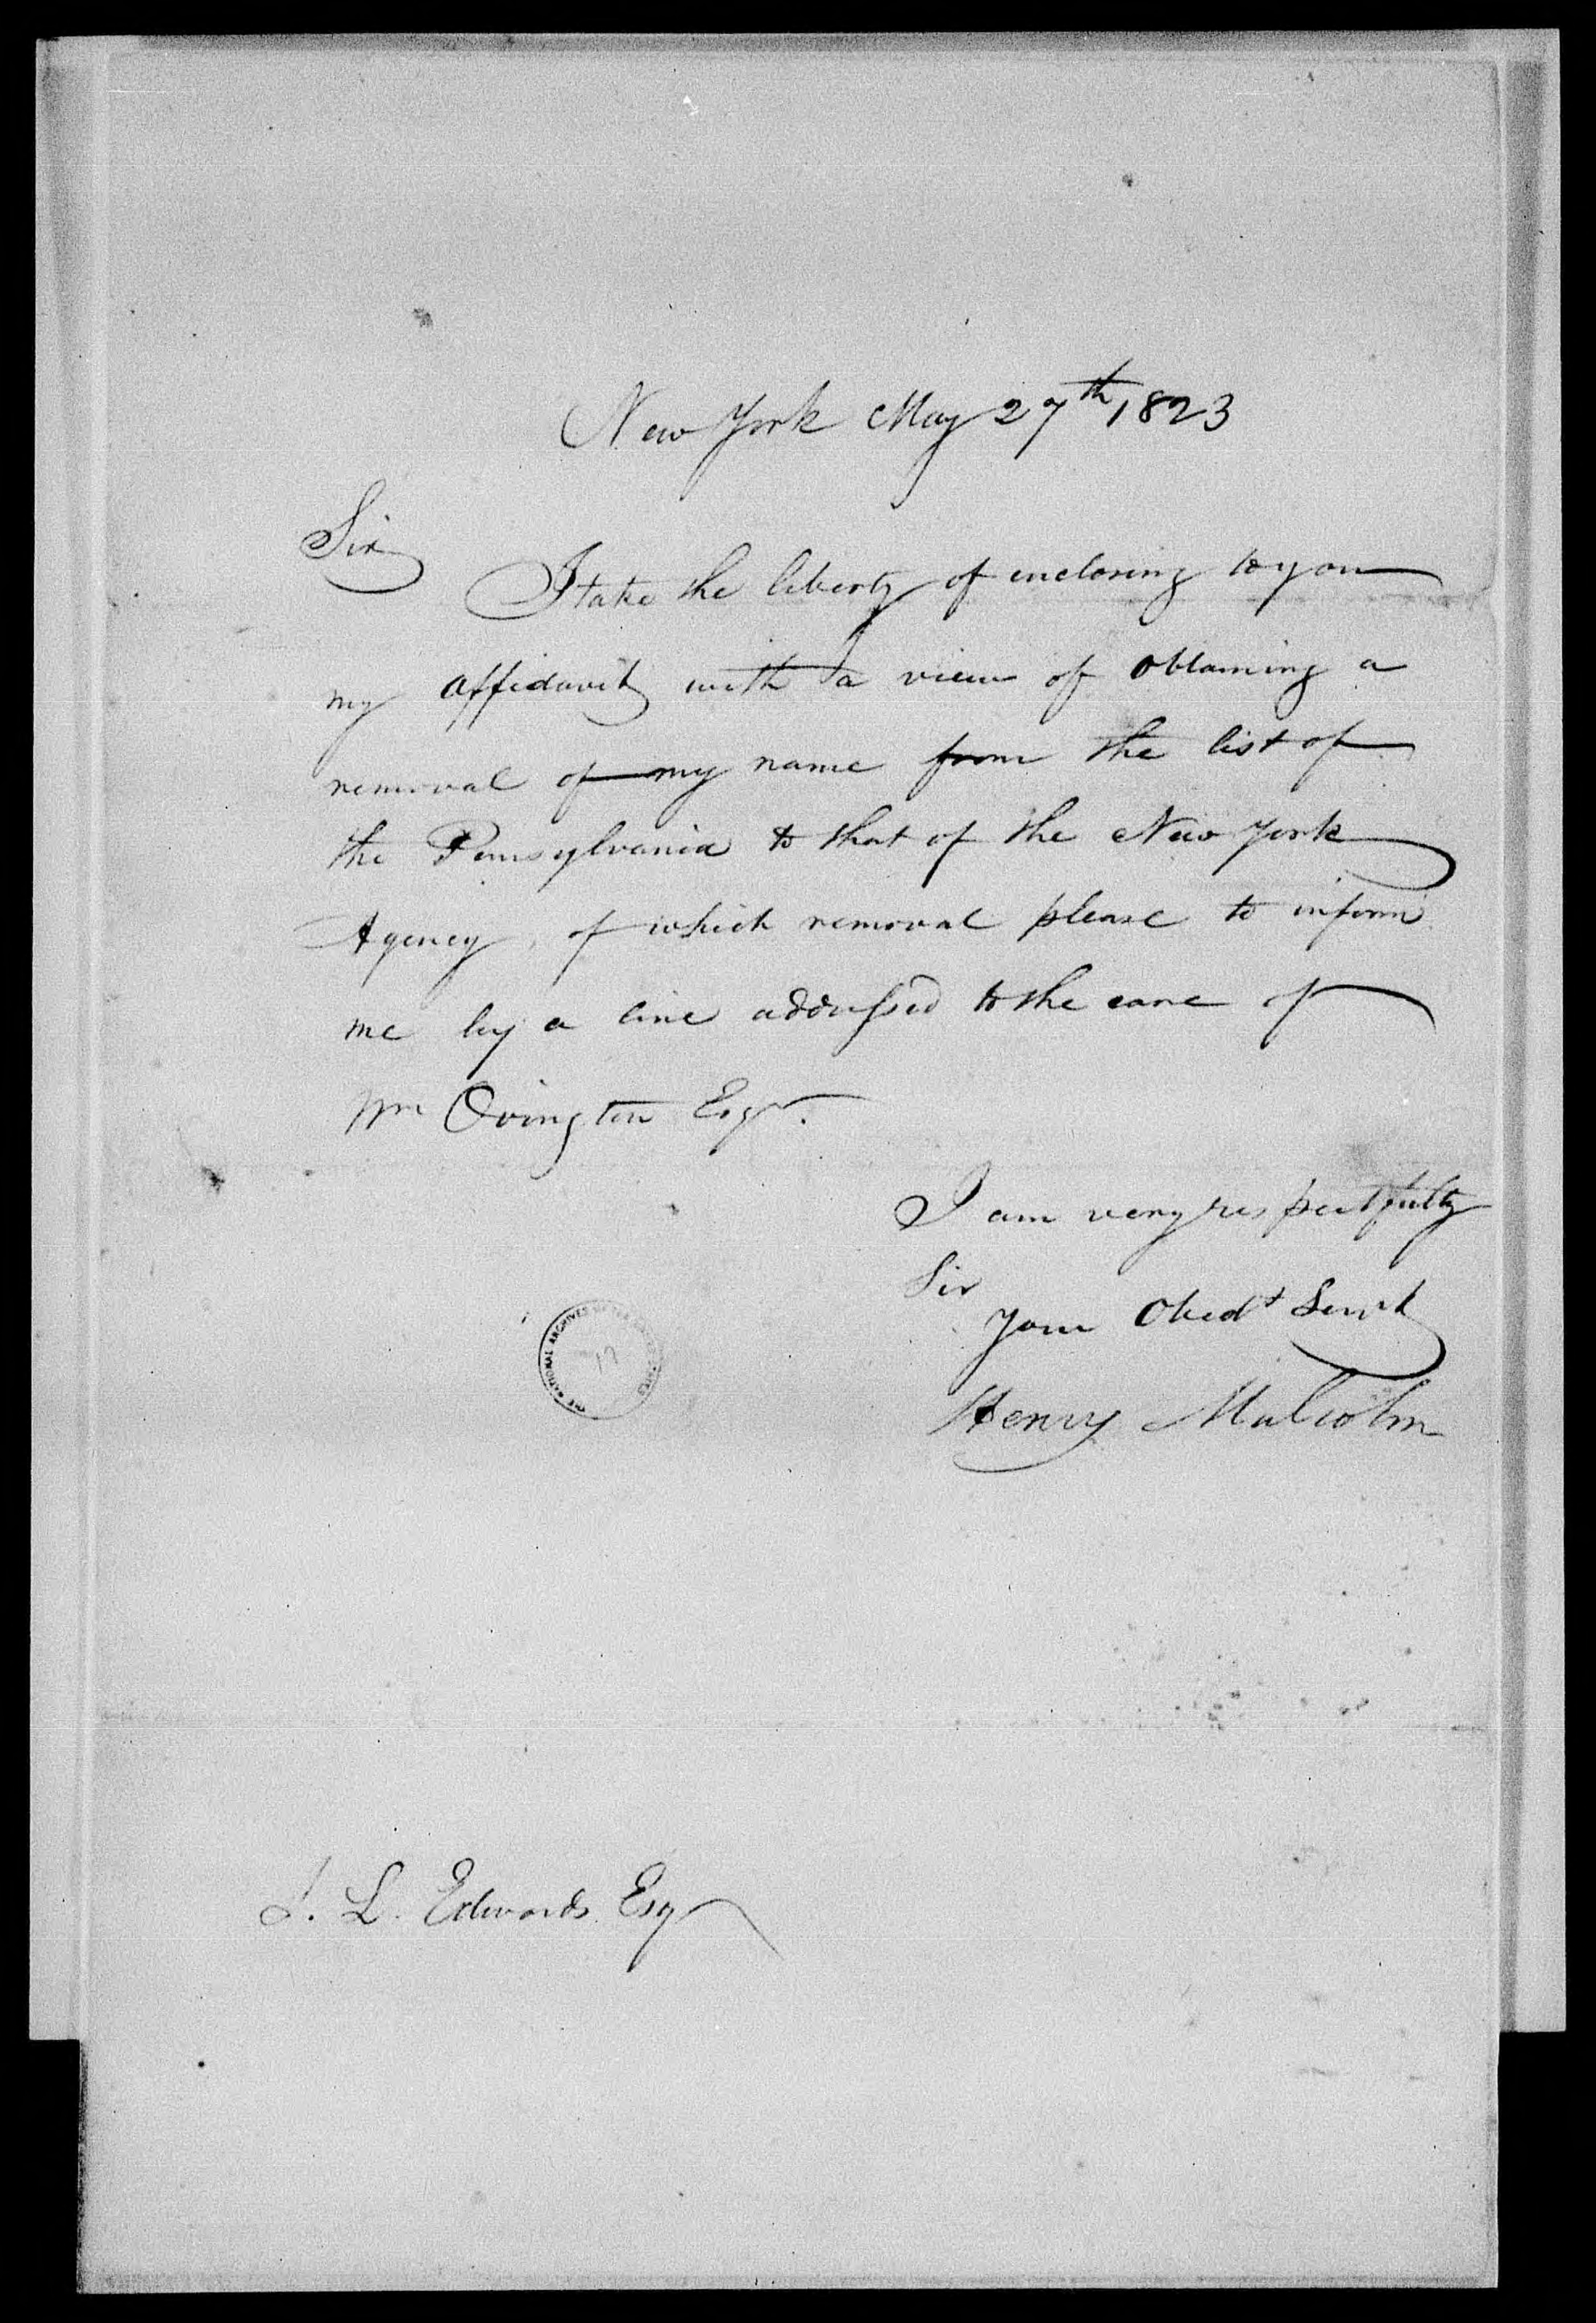New York May 27th 1823
Sir
I take the liberty of enclosing to you my affidavit with a view of obtaining a removal of my name from the list of the Pennsylvania to that of the New York Agency of which removal please to inform
me by a line addressed to the care of Wm Ovington Esqr.
I am very respectfully
Sir
your Obedt Servt [obedient servant]
Henry Malcolm
J.L. Edwards Esqr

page: 5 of 28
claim: survivor's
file: S. 5,048, for Henry Malcolm